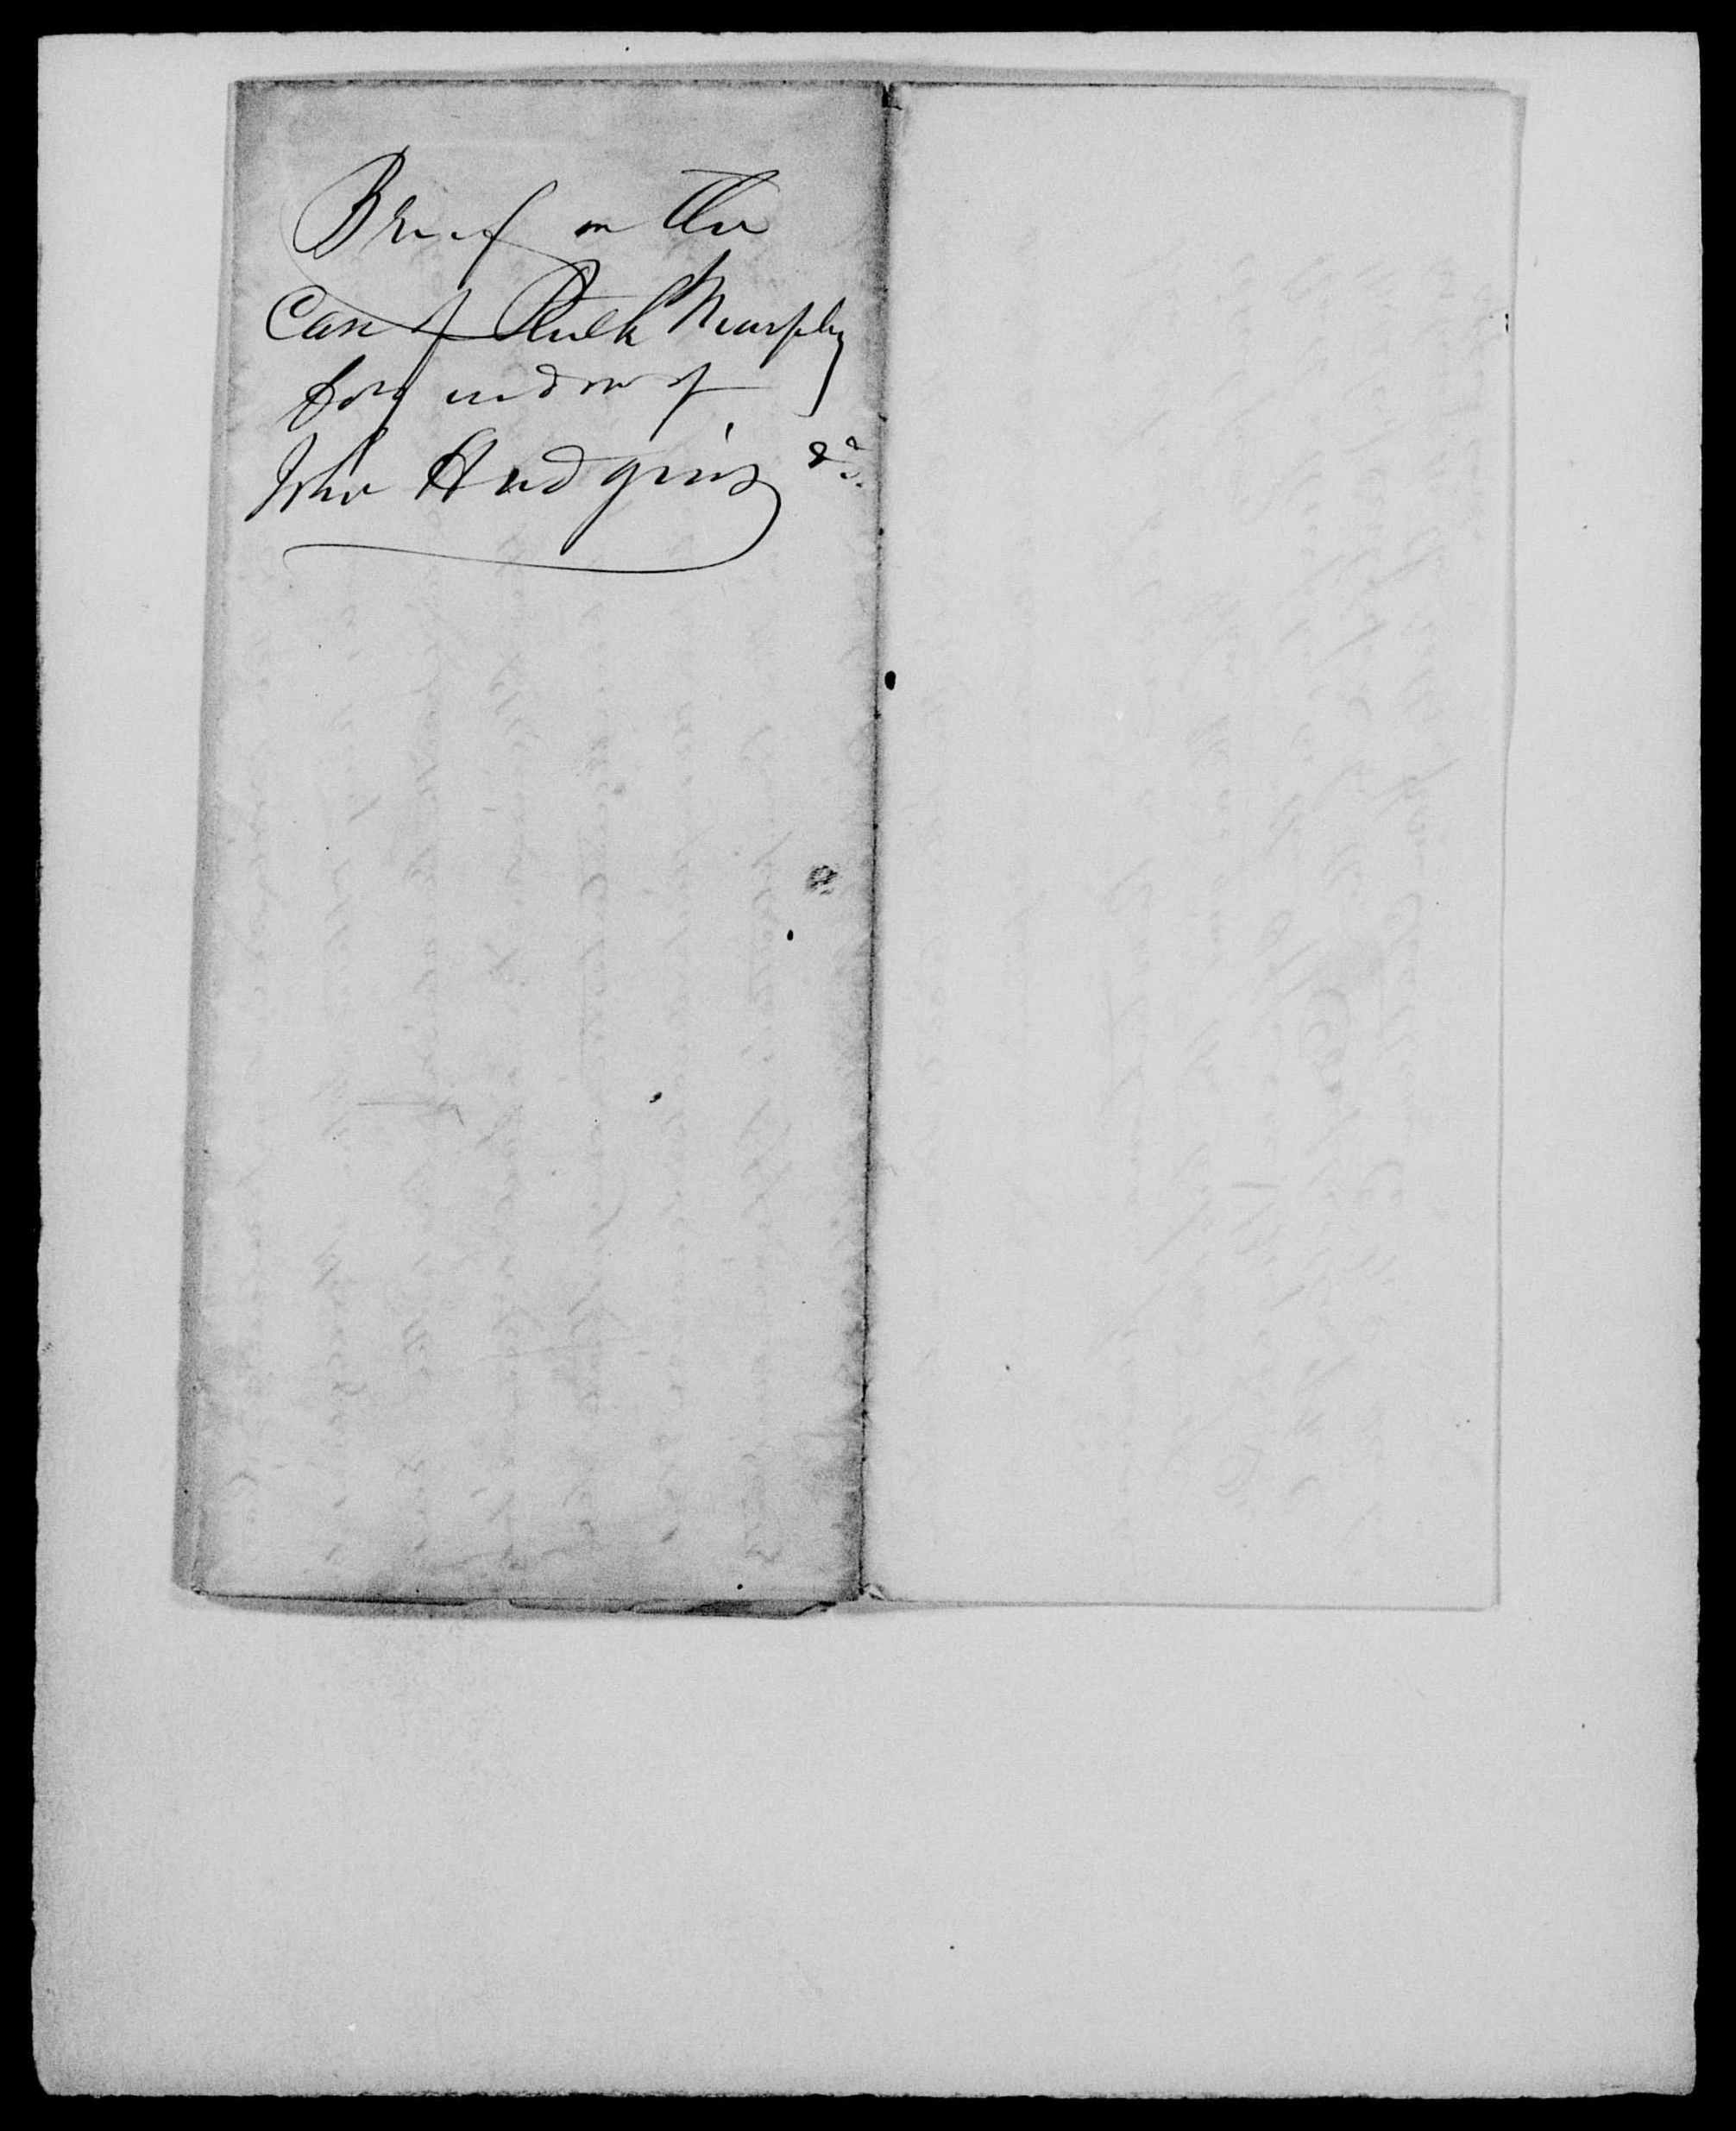Proof of the case of Ruth Murphy for widow of John Hudgins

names: Ruth Murphy, John Hudgins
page: 89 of 108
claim: rejected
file: R. 7,515, John Hudgins, N.C.